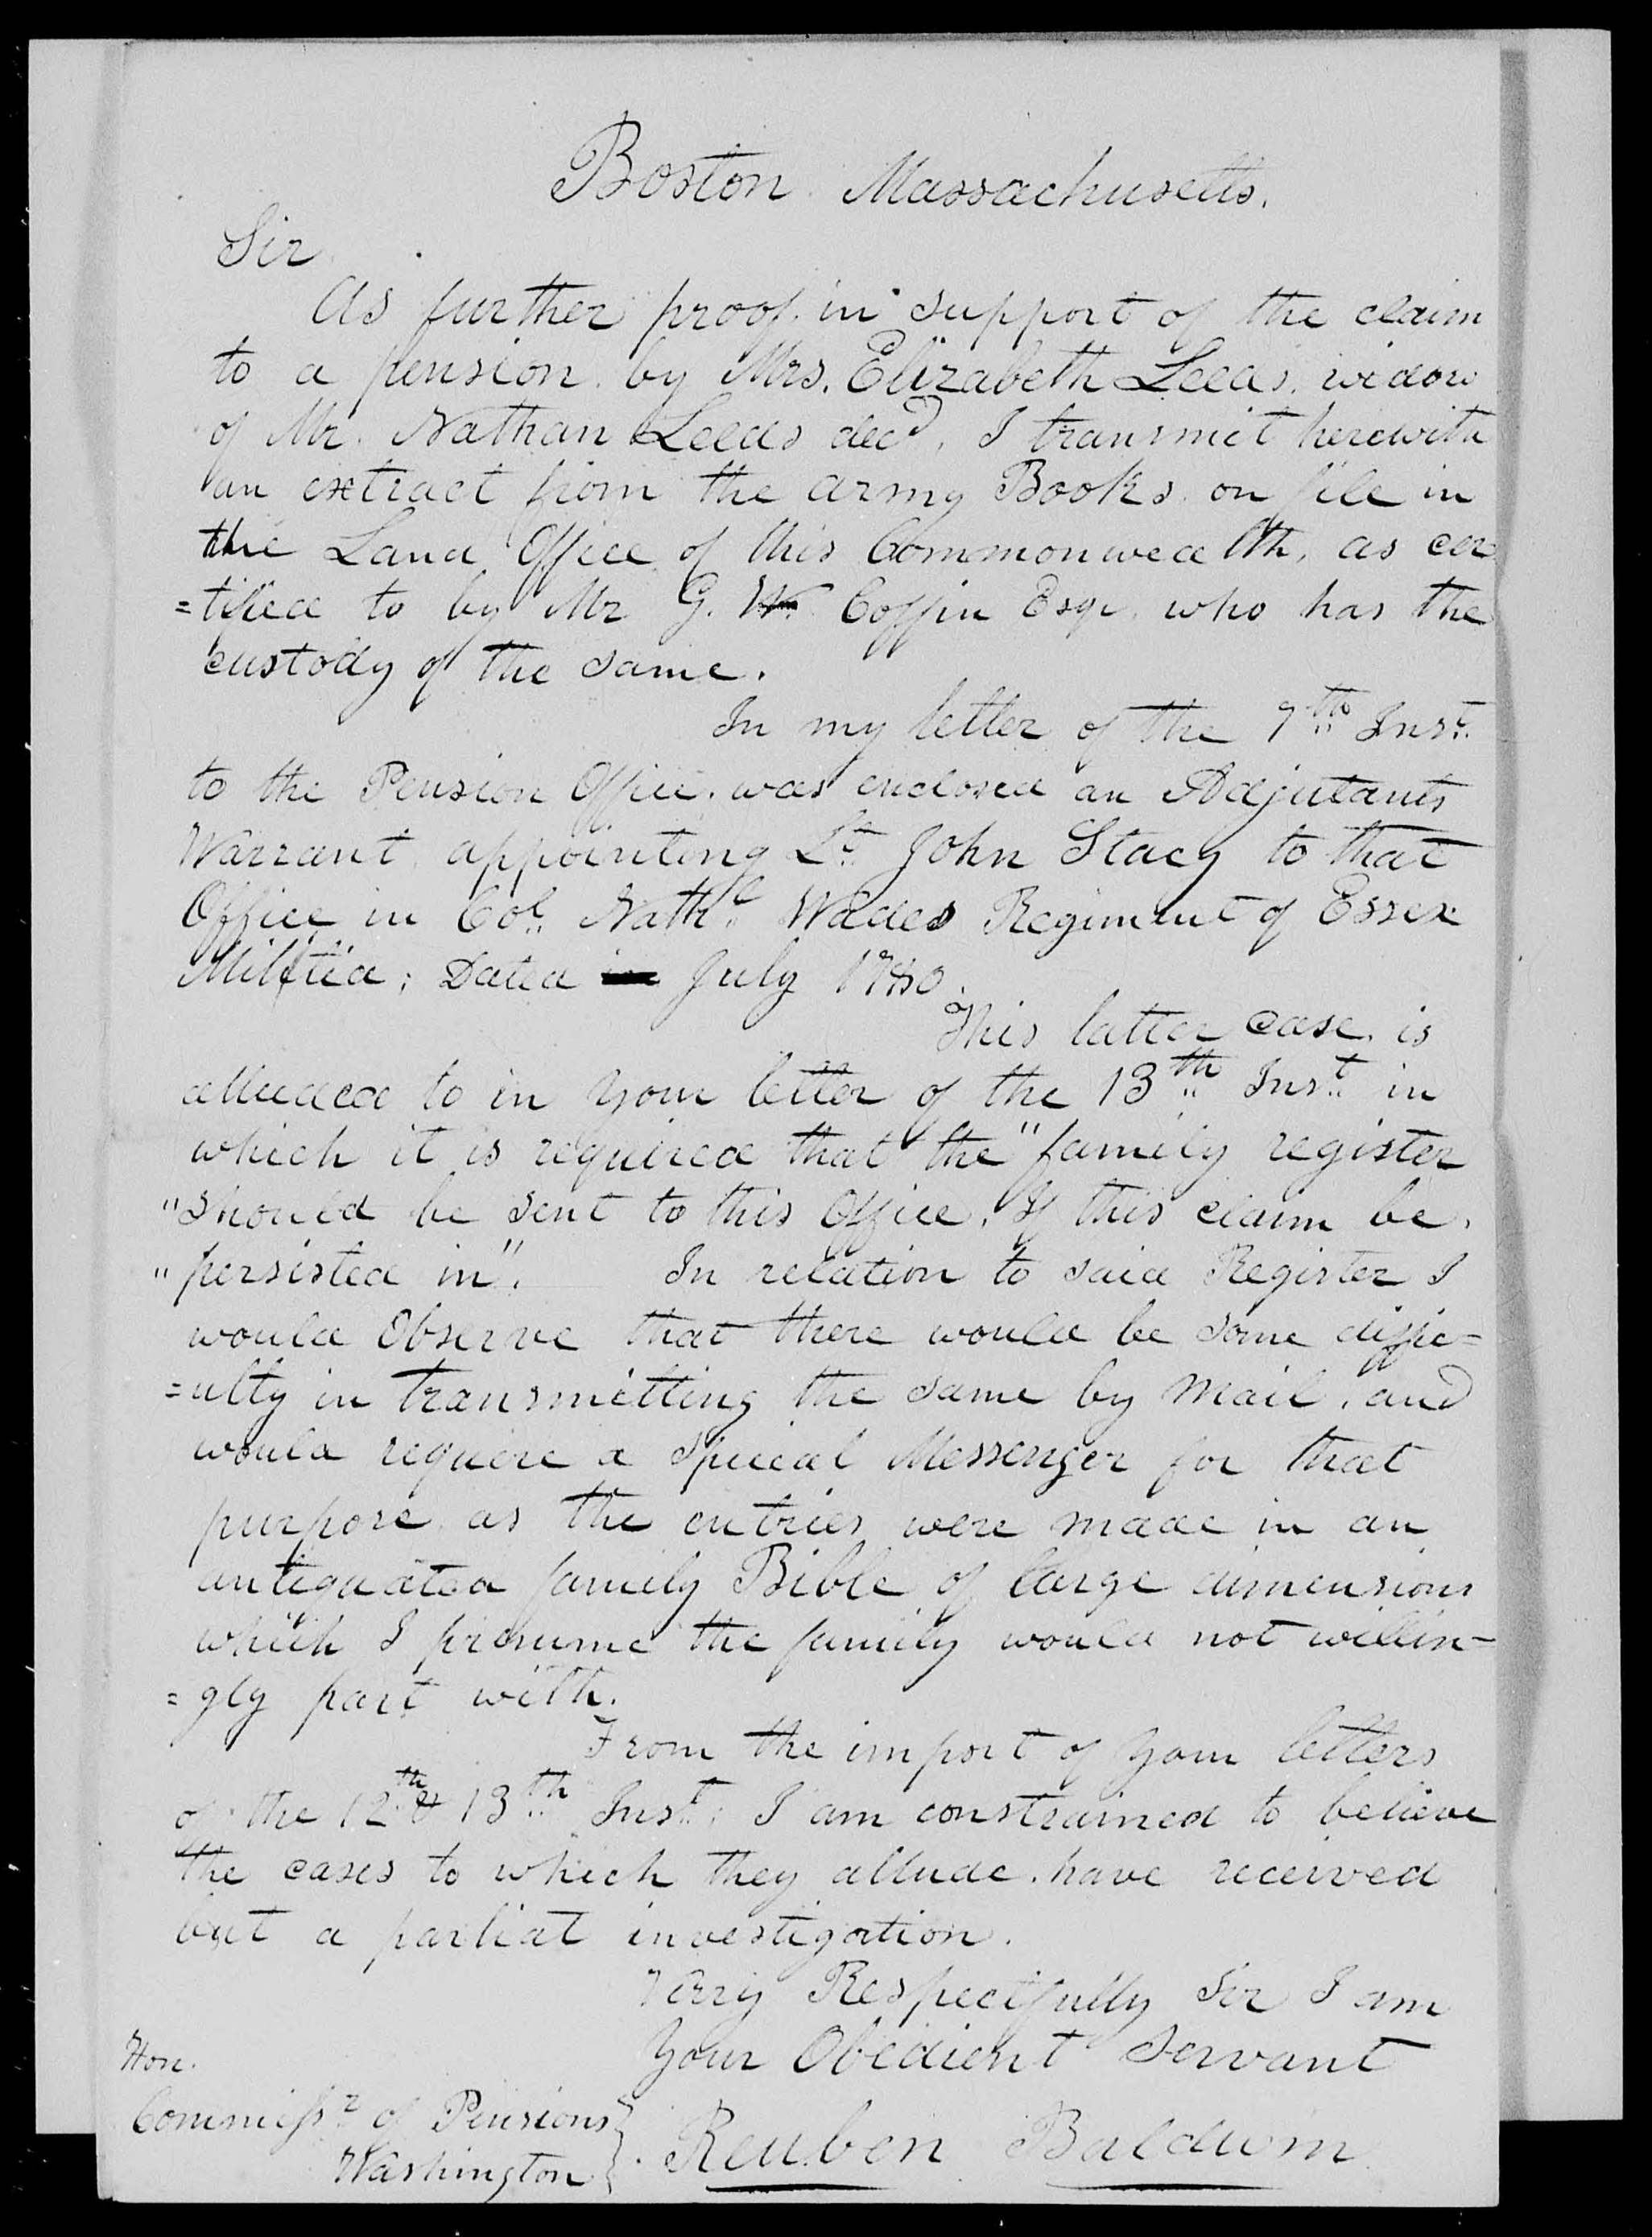Boston Massachusetts
Sir
As further proof in support of the claim
to a pension by Mrs. Elizabeth Leeds widow
of Mr. Nathan Leeds dec'd, I transmit herewith
an extract from the Army Books on file in
the Land Office of this Commonwealth, as certified to by Mr G. W. Coffin Esq. who has the custody of the same.
In my letter of the 7th Inst
to the Pension Office, was enclosed an Adjutants Warrant appointing St John Stacy to that Office in Col Nath. Wades regiment of Essex Militia, Dated July 1780
This latter case, is
alluded to in your letter of the 13th Inst in
which it is required that the family register
should be sent to this Office, if this claim be
persisted in
In relation to said Register I would observe that there would be some difficulty in transmitting the same by Mail, and
would require a special Messenger for that
purpose, as the entries were made in an
antiquated family Bible of large dimensions
which I presume the family would not willingly part with.
From the import of your letters
the 12th & 13th Inst, I am constrained to believe the cases to which they allude have received but a partial investigation
Very Respectfully Sir I am
Your Obedient Servant
Reuben Baldwin
Hon. Commissioner of Pensions
Washington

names: G W Coffin; Elizabeth Leeds; John Stacy; Reuben Baldwin; Nathan Leeds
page: 29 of 33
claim: widow's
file: W. 21,567, for Nathan Leeds, Massachusetts